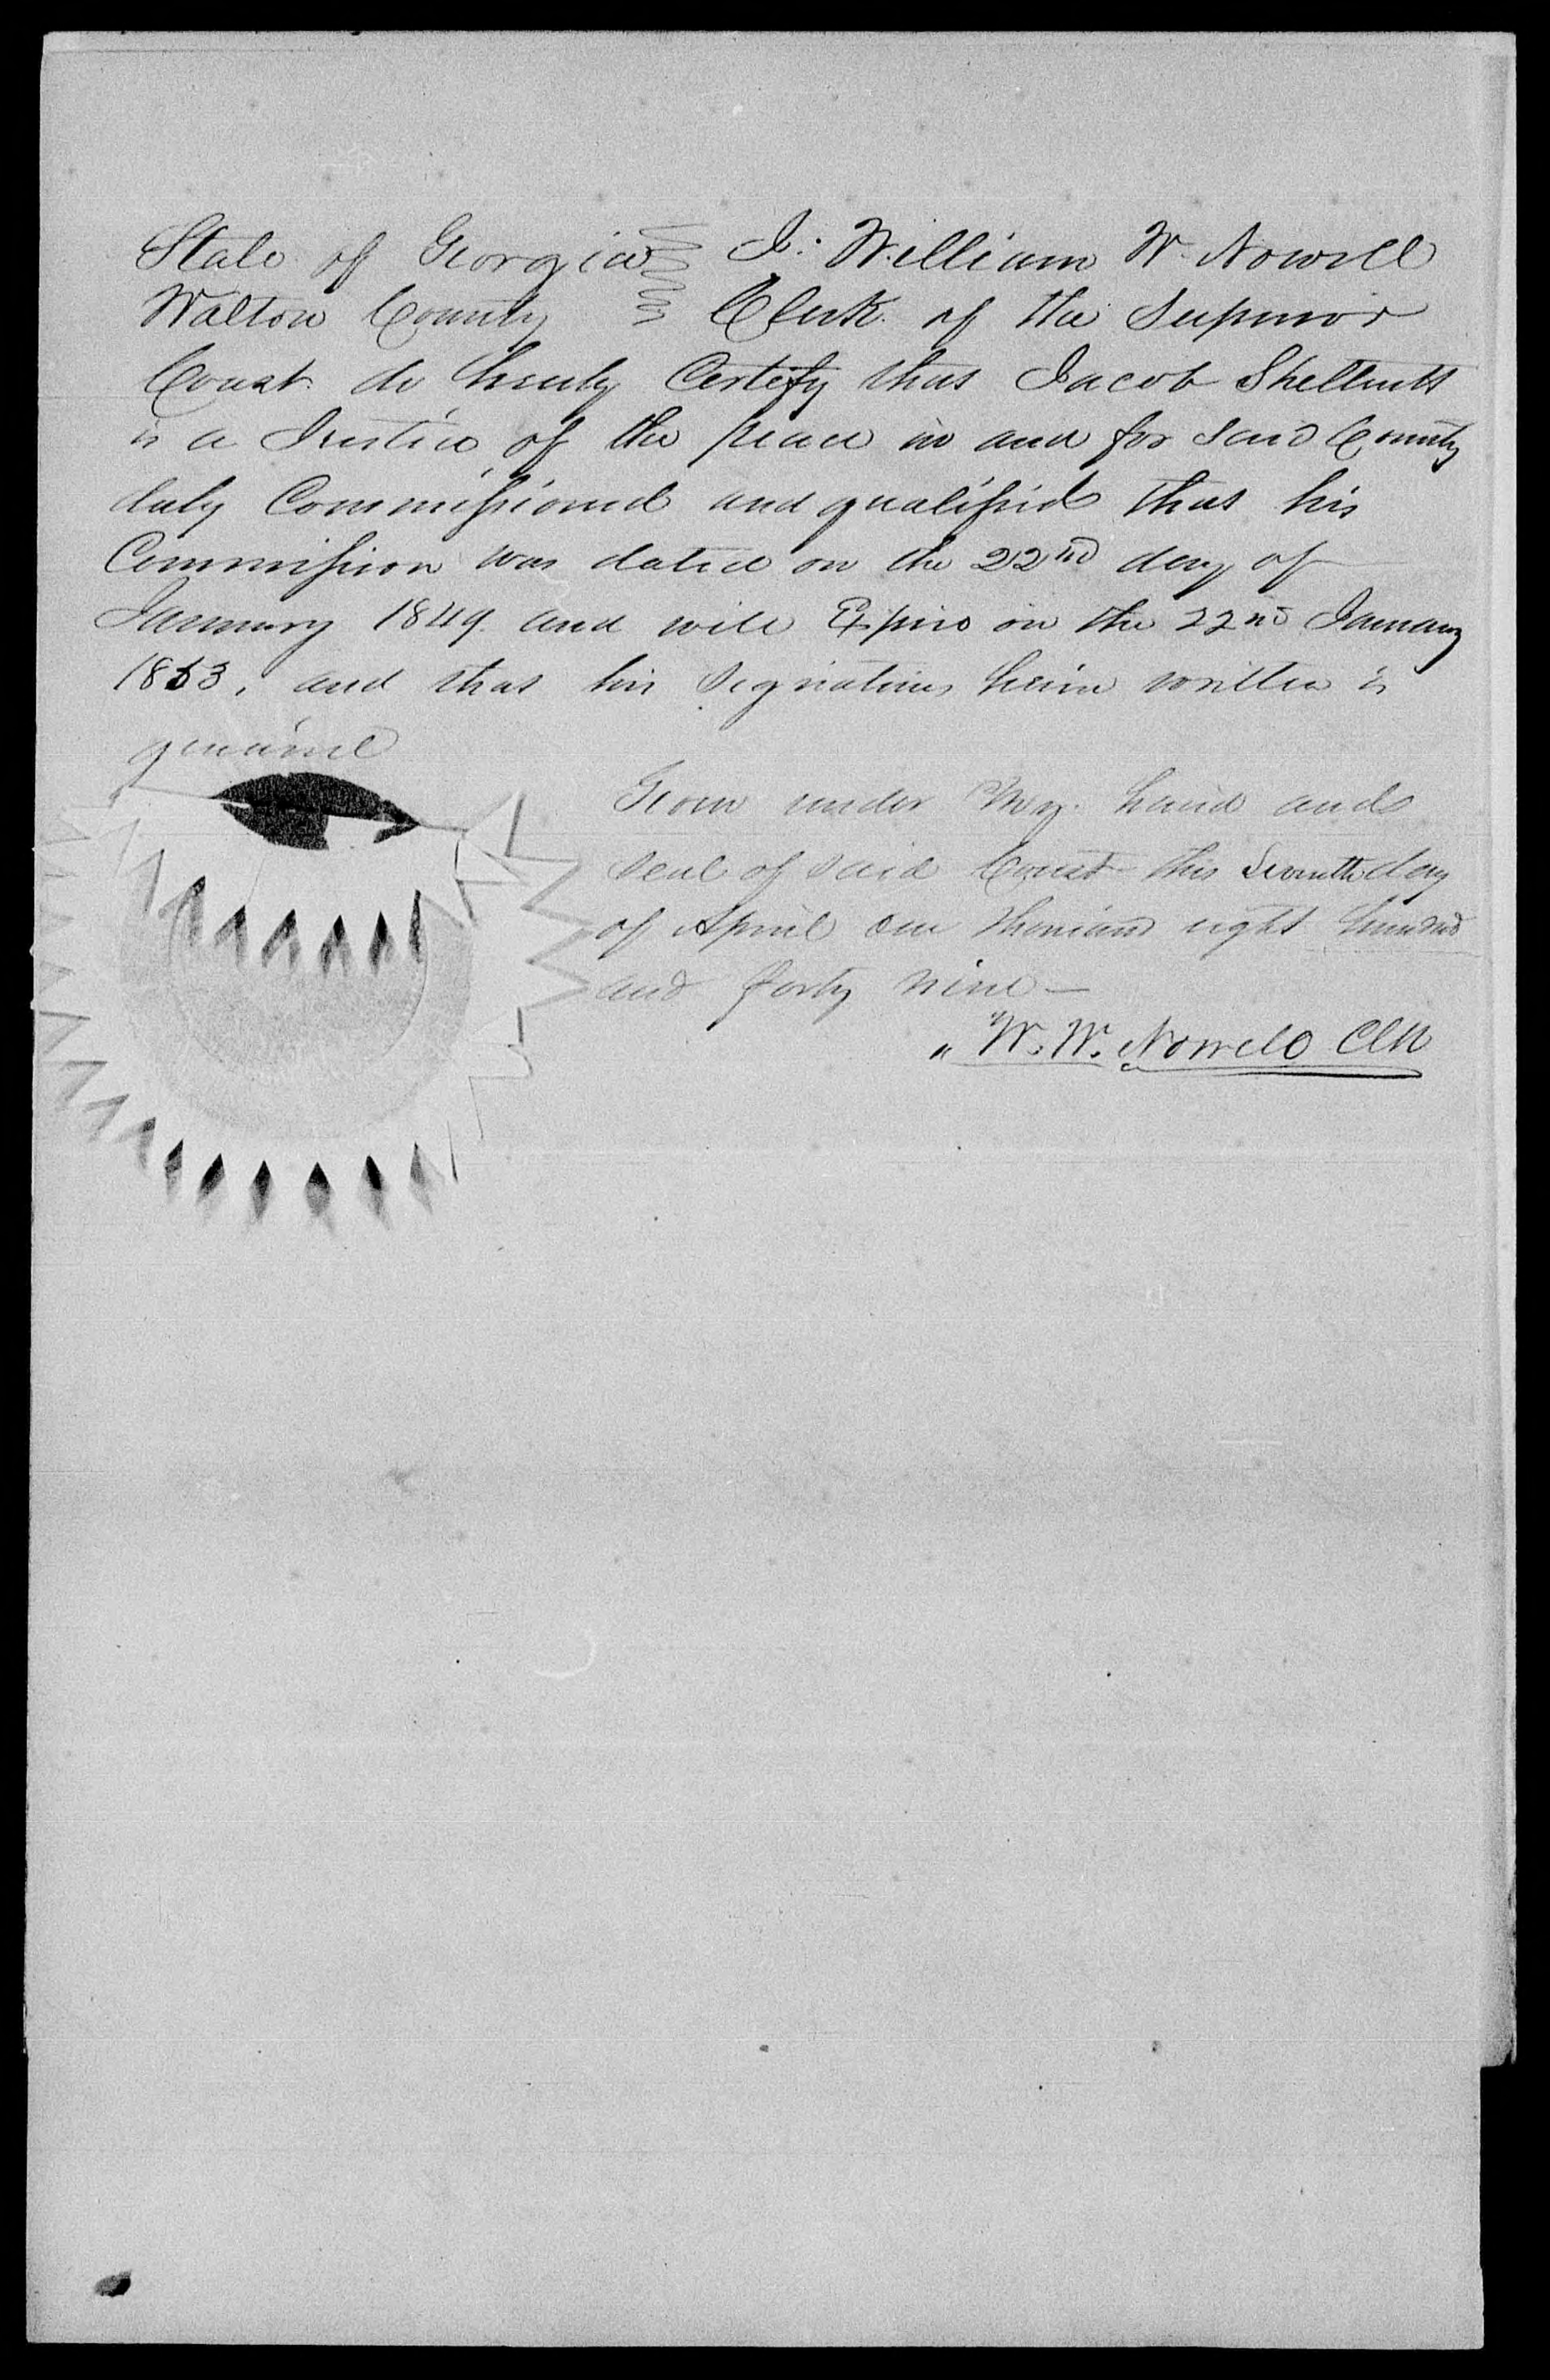State of Georgia Walton County.

I William W Nowell Walton Court County S Clerk of the Superior do hereby certify that Jacob Shellnutt is a Justice of the peace in and for said County duly commissioned and qualified that his Commission was dated on the 22nd day of January 1849 and will expire on the 22nd January 1853, and that his signatures herein written is genuine. 

Given or under my hand and seal of said Court this Seventh day of April one thousand eight hundred and forty nine - 
W.W. Nowell Clk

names: William W Nowell, W W Nowell, Jacob Shellnutt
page: 38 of 62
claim: survivor's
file: S. 38816, Benjamin Harris, Mass.